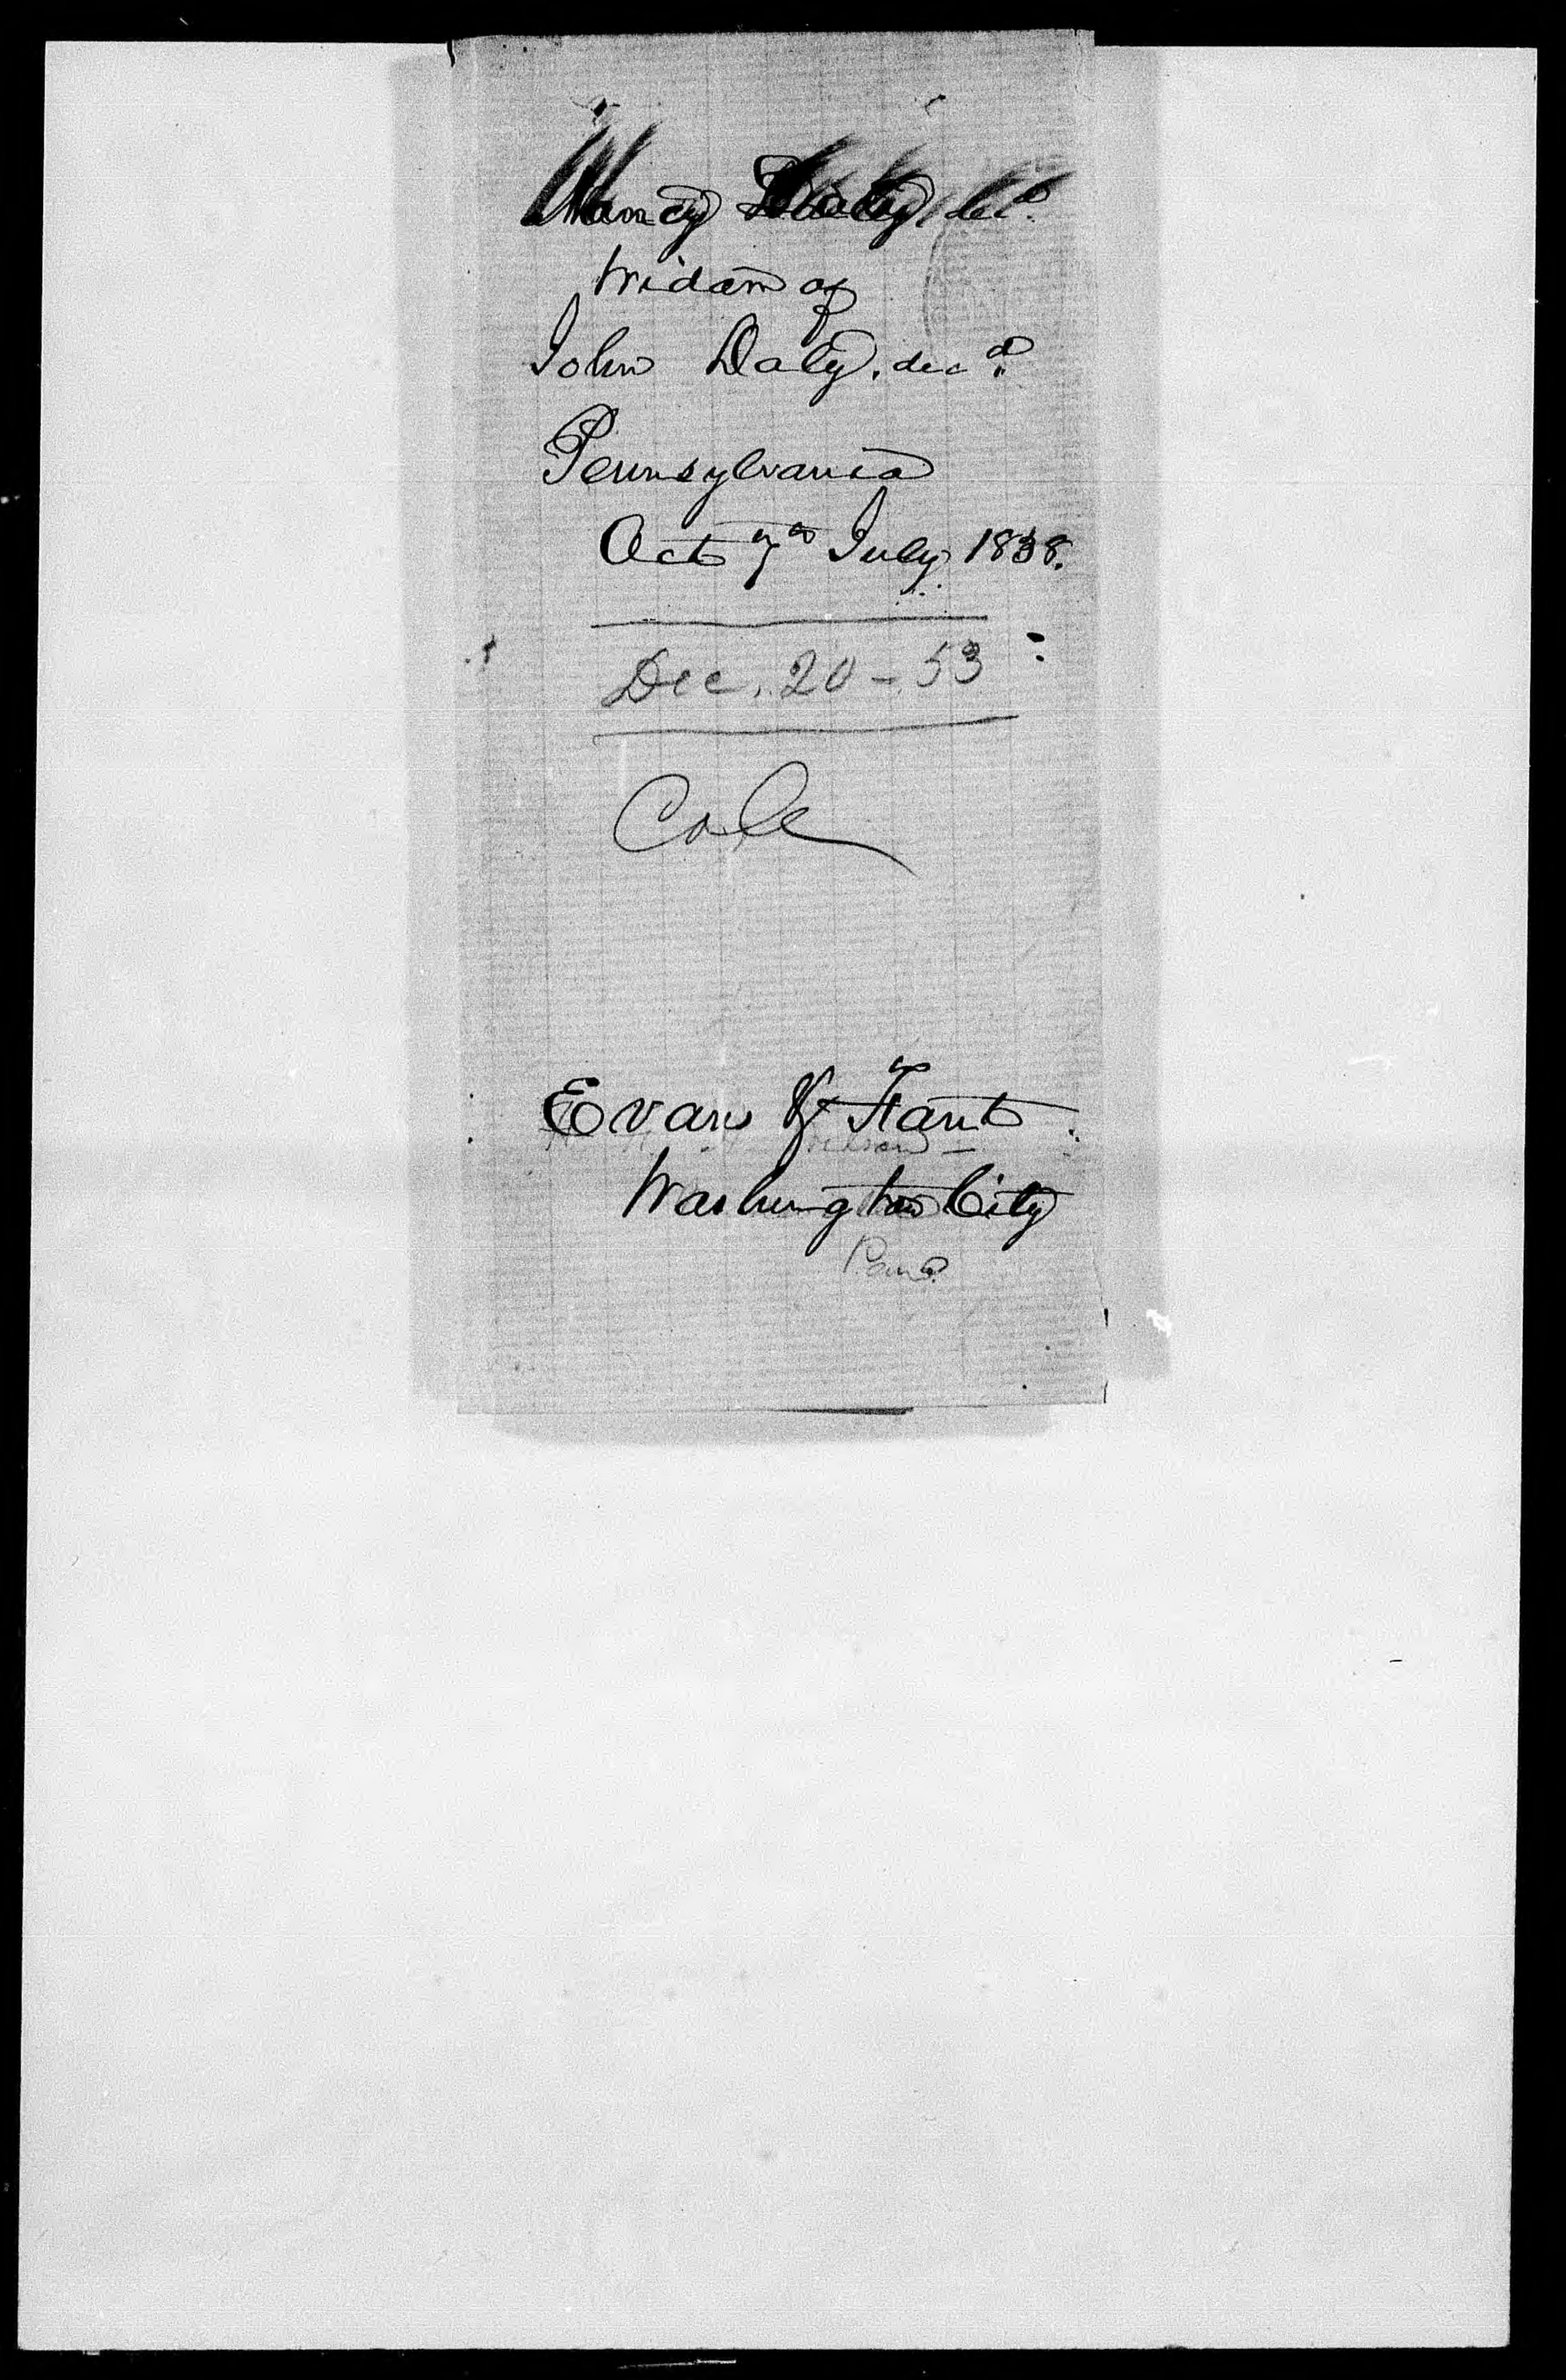Nancy Daily decd.
Widow of
John Daly, decd.
Pennsylvania
Act of July 1838.
-
Dec, 20-53
-
Calc(?)

Evan Y(maybe G?) Fant
Washington City
Pens.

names: Evans, Fant, John Daly, Nancy Daly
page: 44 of 63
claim: widow's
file: W. 3228, John Daly, Penn.